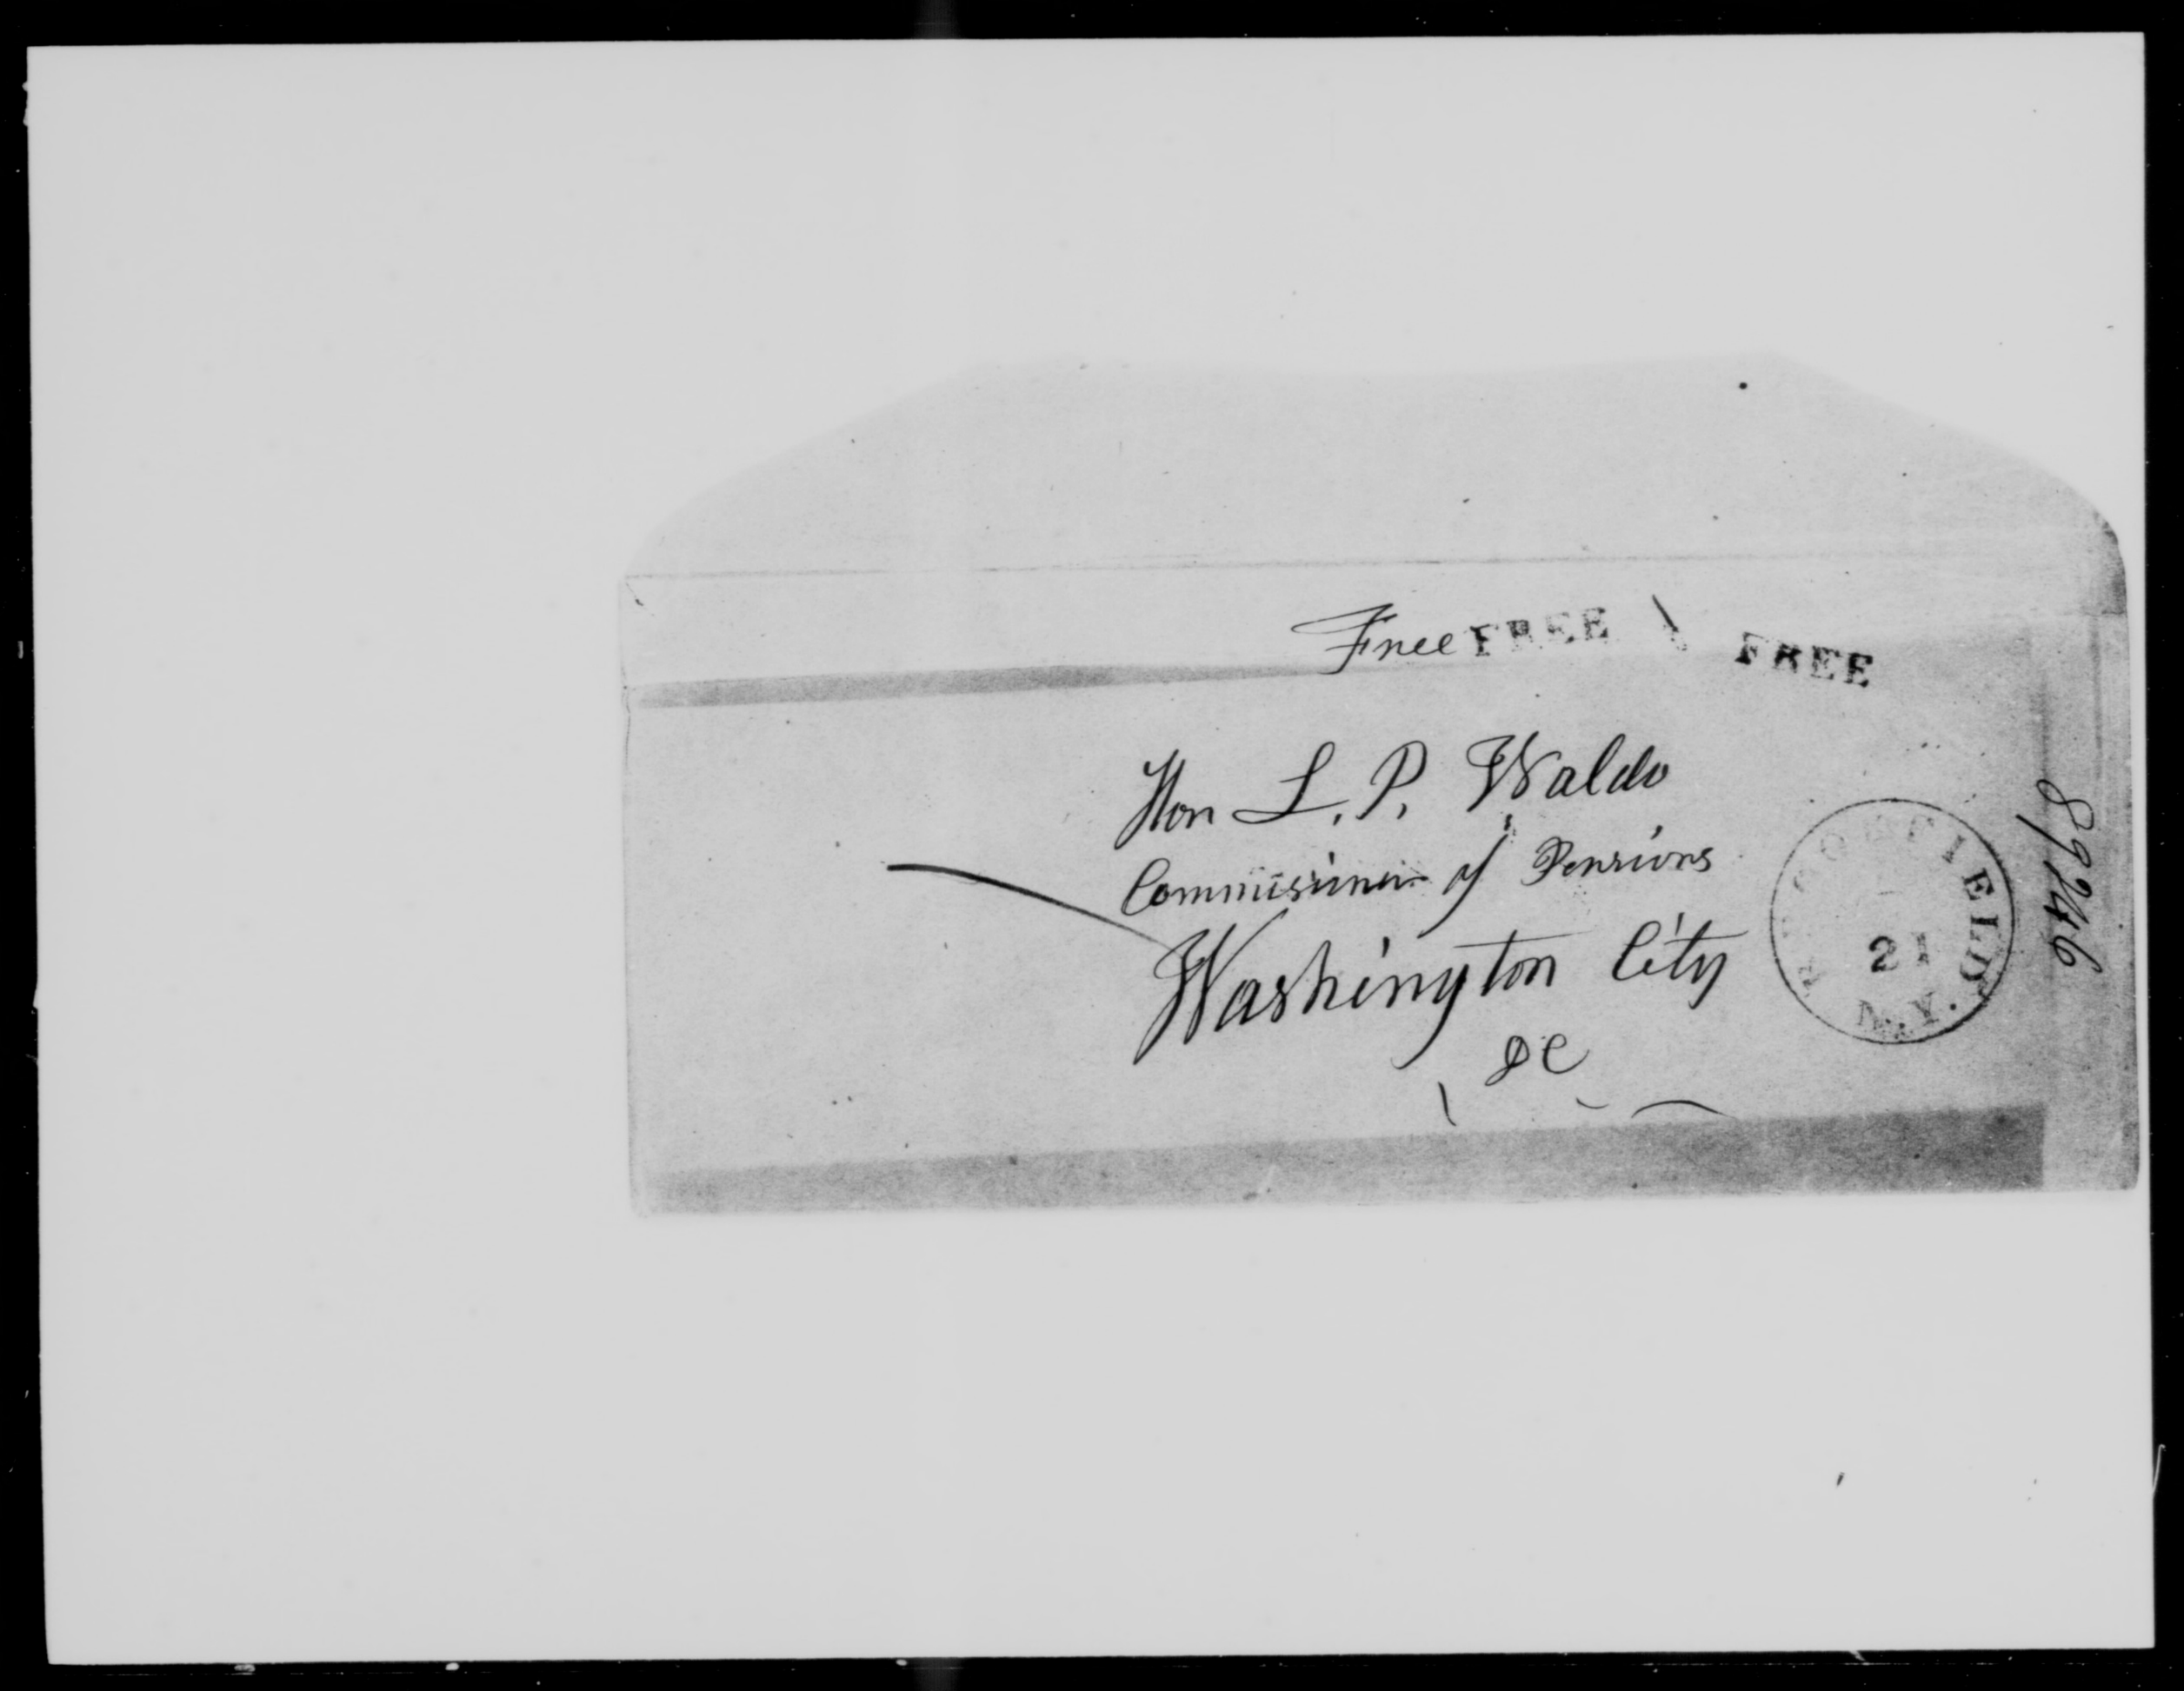[handwritten] Free
[stamp x2] FREE
Hon. L. P. Waldo
Commissioner of Pensions
Washington City
DC

[postmark] BROOKFIELD N.Y. [illegible] 21

[left side vertical]
89246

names: L P Waldo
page: 13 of 29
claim: bounty land warrant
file: B.L.Wt.47987-160-55, for Benjamin Stillman, Rhode Island